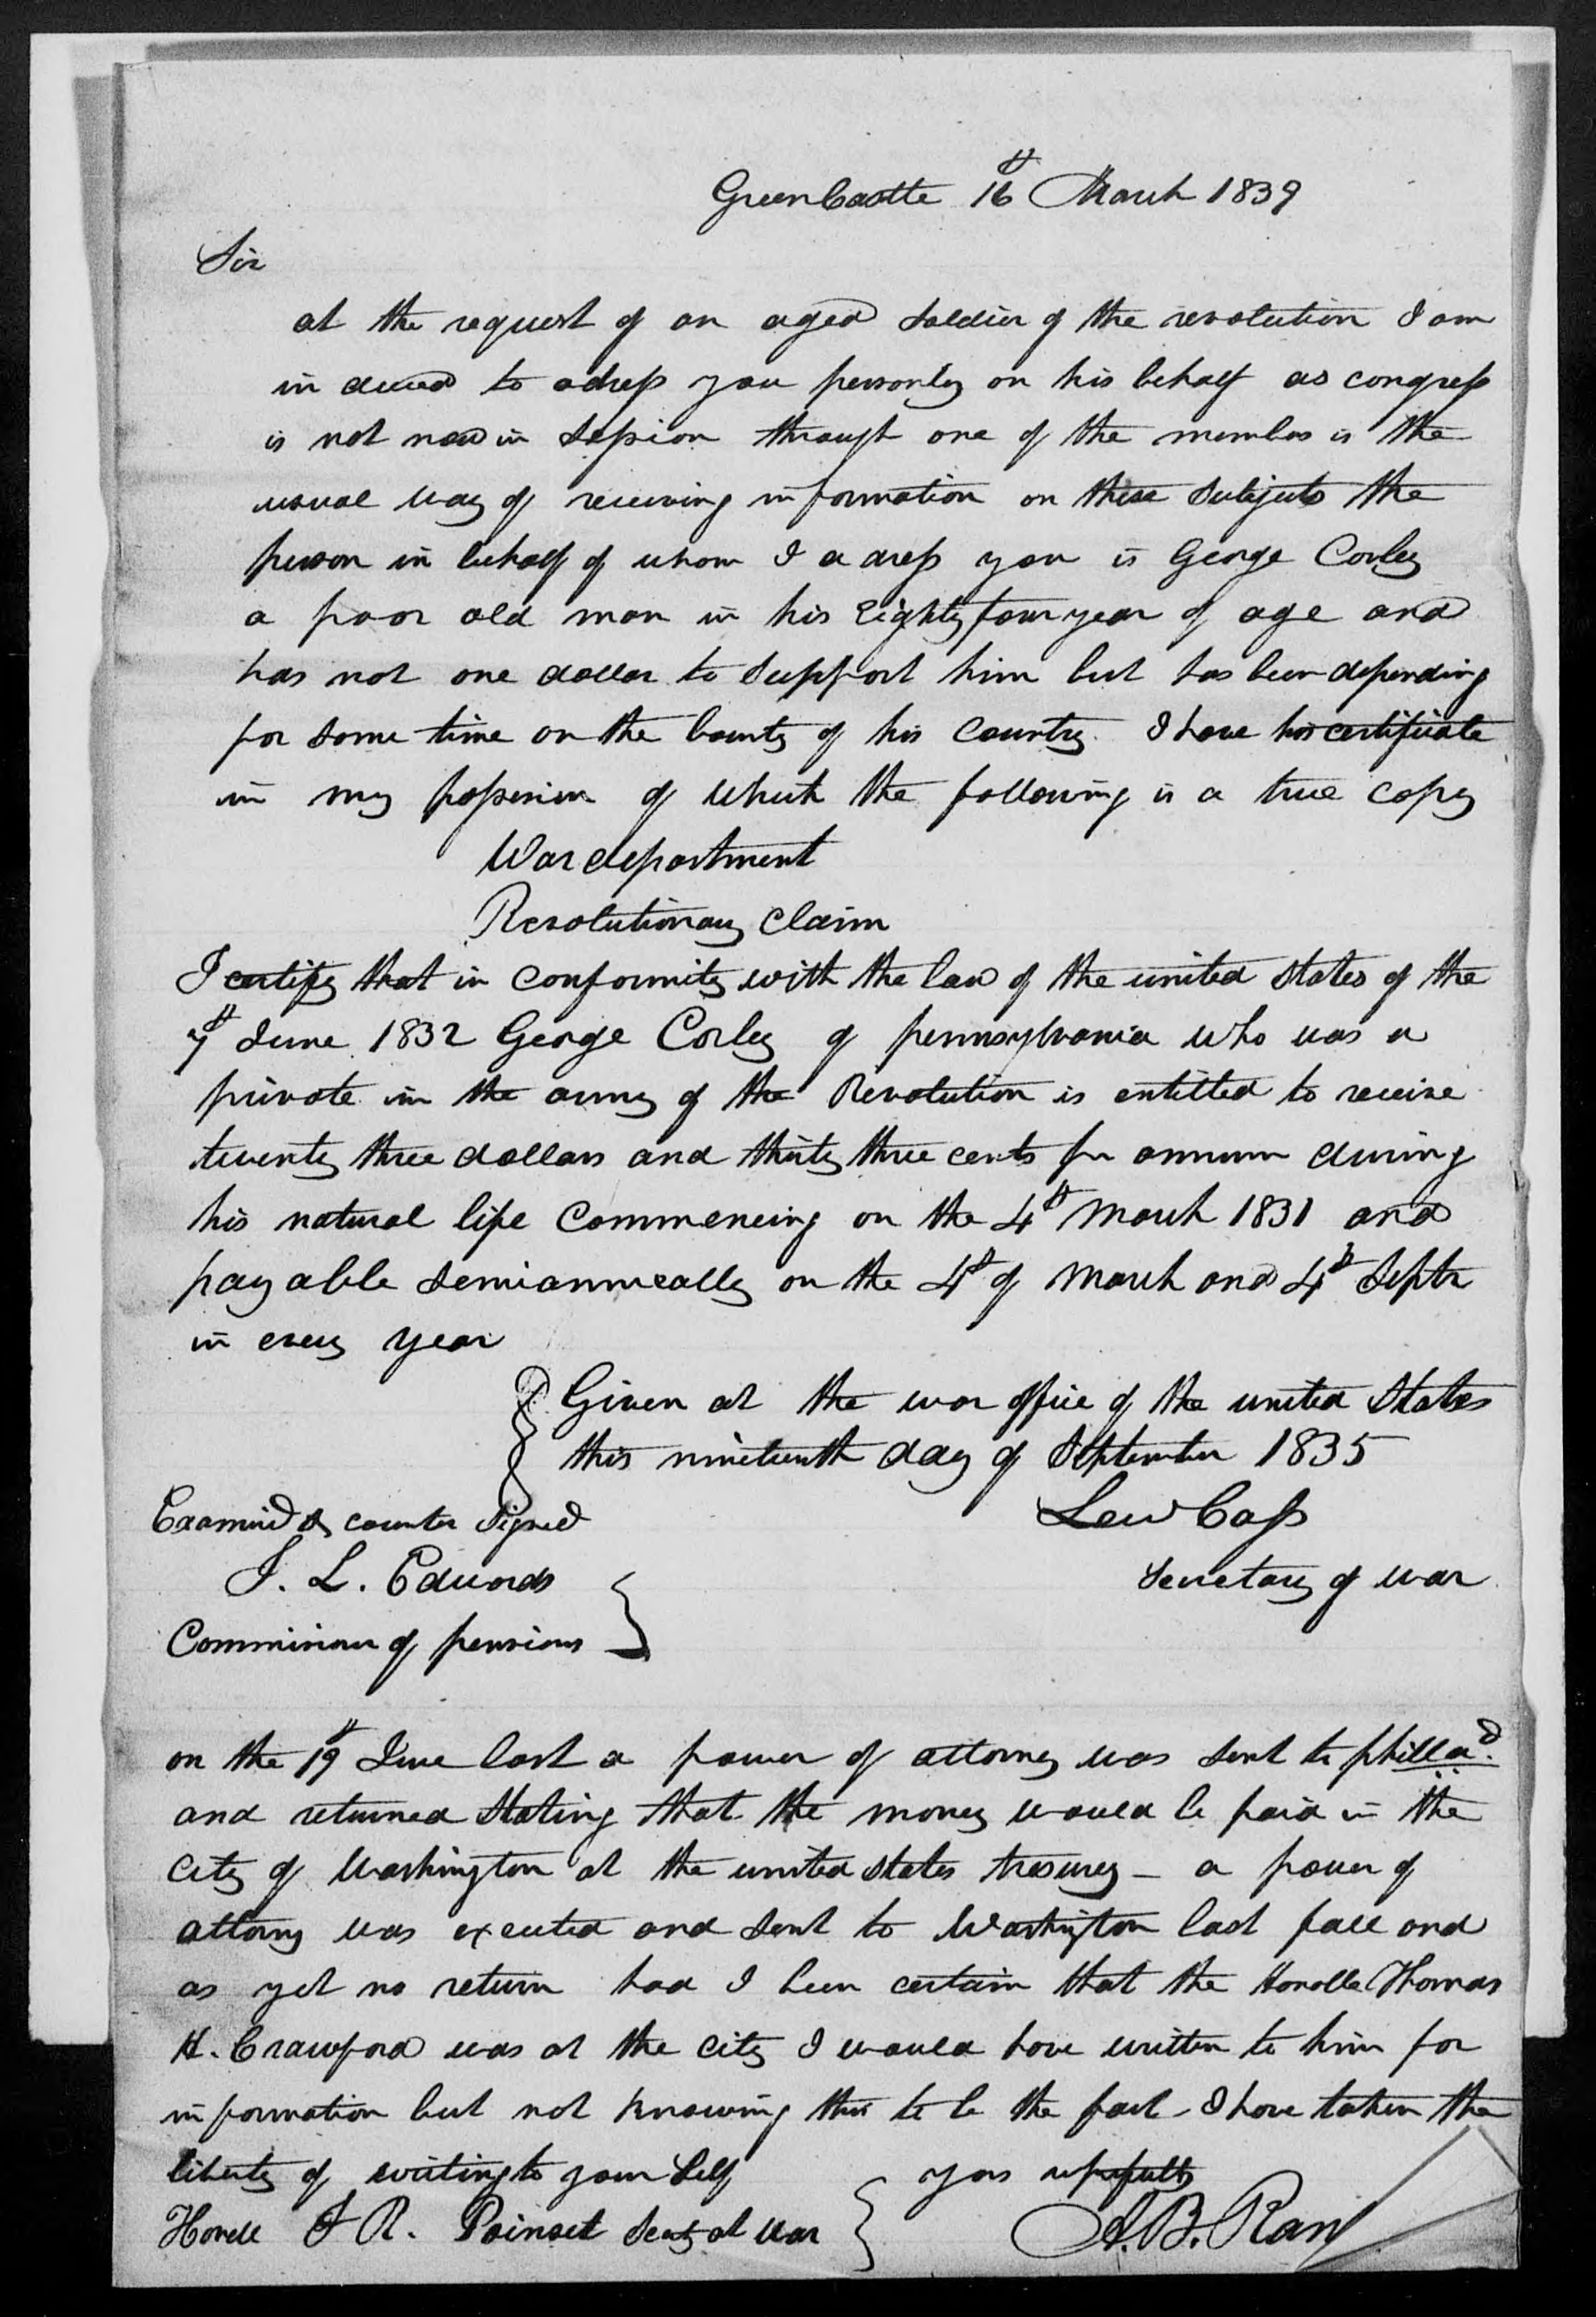Green Castle 16th March 1839
Sir
At the request of an aged Soldier of the revolution I am
induced to address you personaly on his behalf as contress
in not now in Session through one of the members is the
usual was of receiving information on these Subjects the
person in behalf of whom I adress you is George Couley
a poor old man in his eighty four year of age and 
has not one dollar to Support him but has been depending
for some time on the bounty of his country. I have his certificate
in my possesion of whuth the following is a true copy
War department
Revolutionary claim
I certify that in conformity with the law of the united States of the
7th June 1832 George Corley of Pennsylvania who was a 
private in the army of the Revolution is entitled to receive
twenty three dollars and thirty three cents per annum during
his natural life commencing on the 4th March 1831 and 
payable semiannually on the 4th of March and 4th Septm
in every year
{Given at the war office of the united States
{this nineteenth day of September 1835
Lew Cass
Secretary of War
Examined & counter signed
J. L. Edwards
Commissioner of pensions

on the 19th June last & power of attorney was sent to phillad.
and returned Stating that the money would be paid in the
City of Washington at the united States tresury - a power of 
attorny was executed and sent to Washington last fall and 
as yet no return had I been certain that the Honoble Thomas
H. Crawford was at the city I would have written to him for
information but not knowing that it be the fact - I have taken the
liberty of writing to yourself
Honale JR. Poinset Sect at War   Yous artfully
H.B. Ran[page folded]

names: Lew Cass, George Corley, George Corley, Thomas H Crawford, J R Poinset, A B, J L Edwards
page: 15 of 22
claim: survivor's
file: S. 9,199, George Corley, Md.